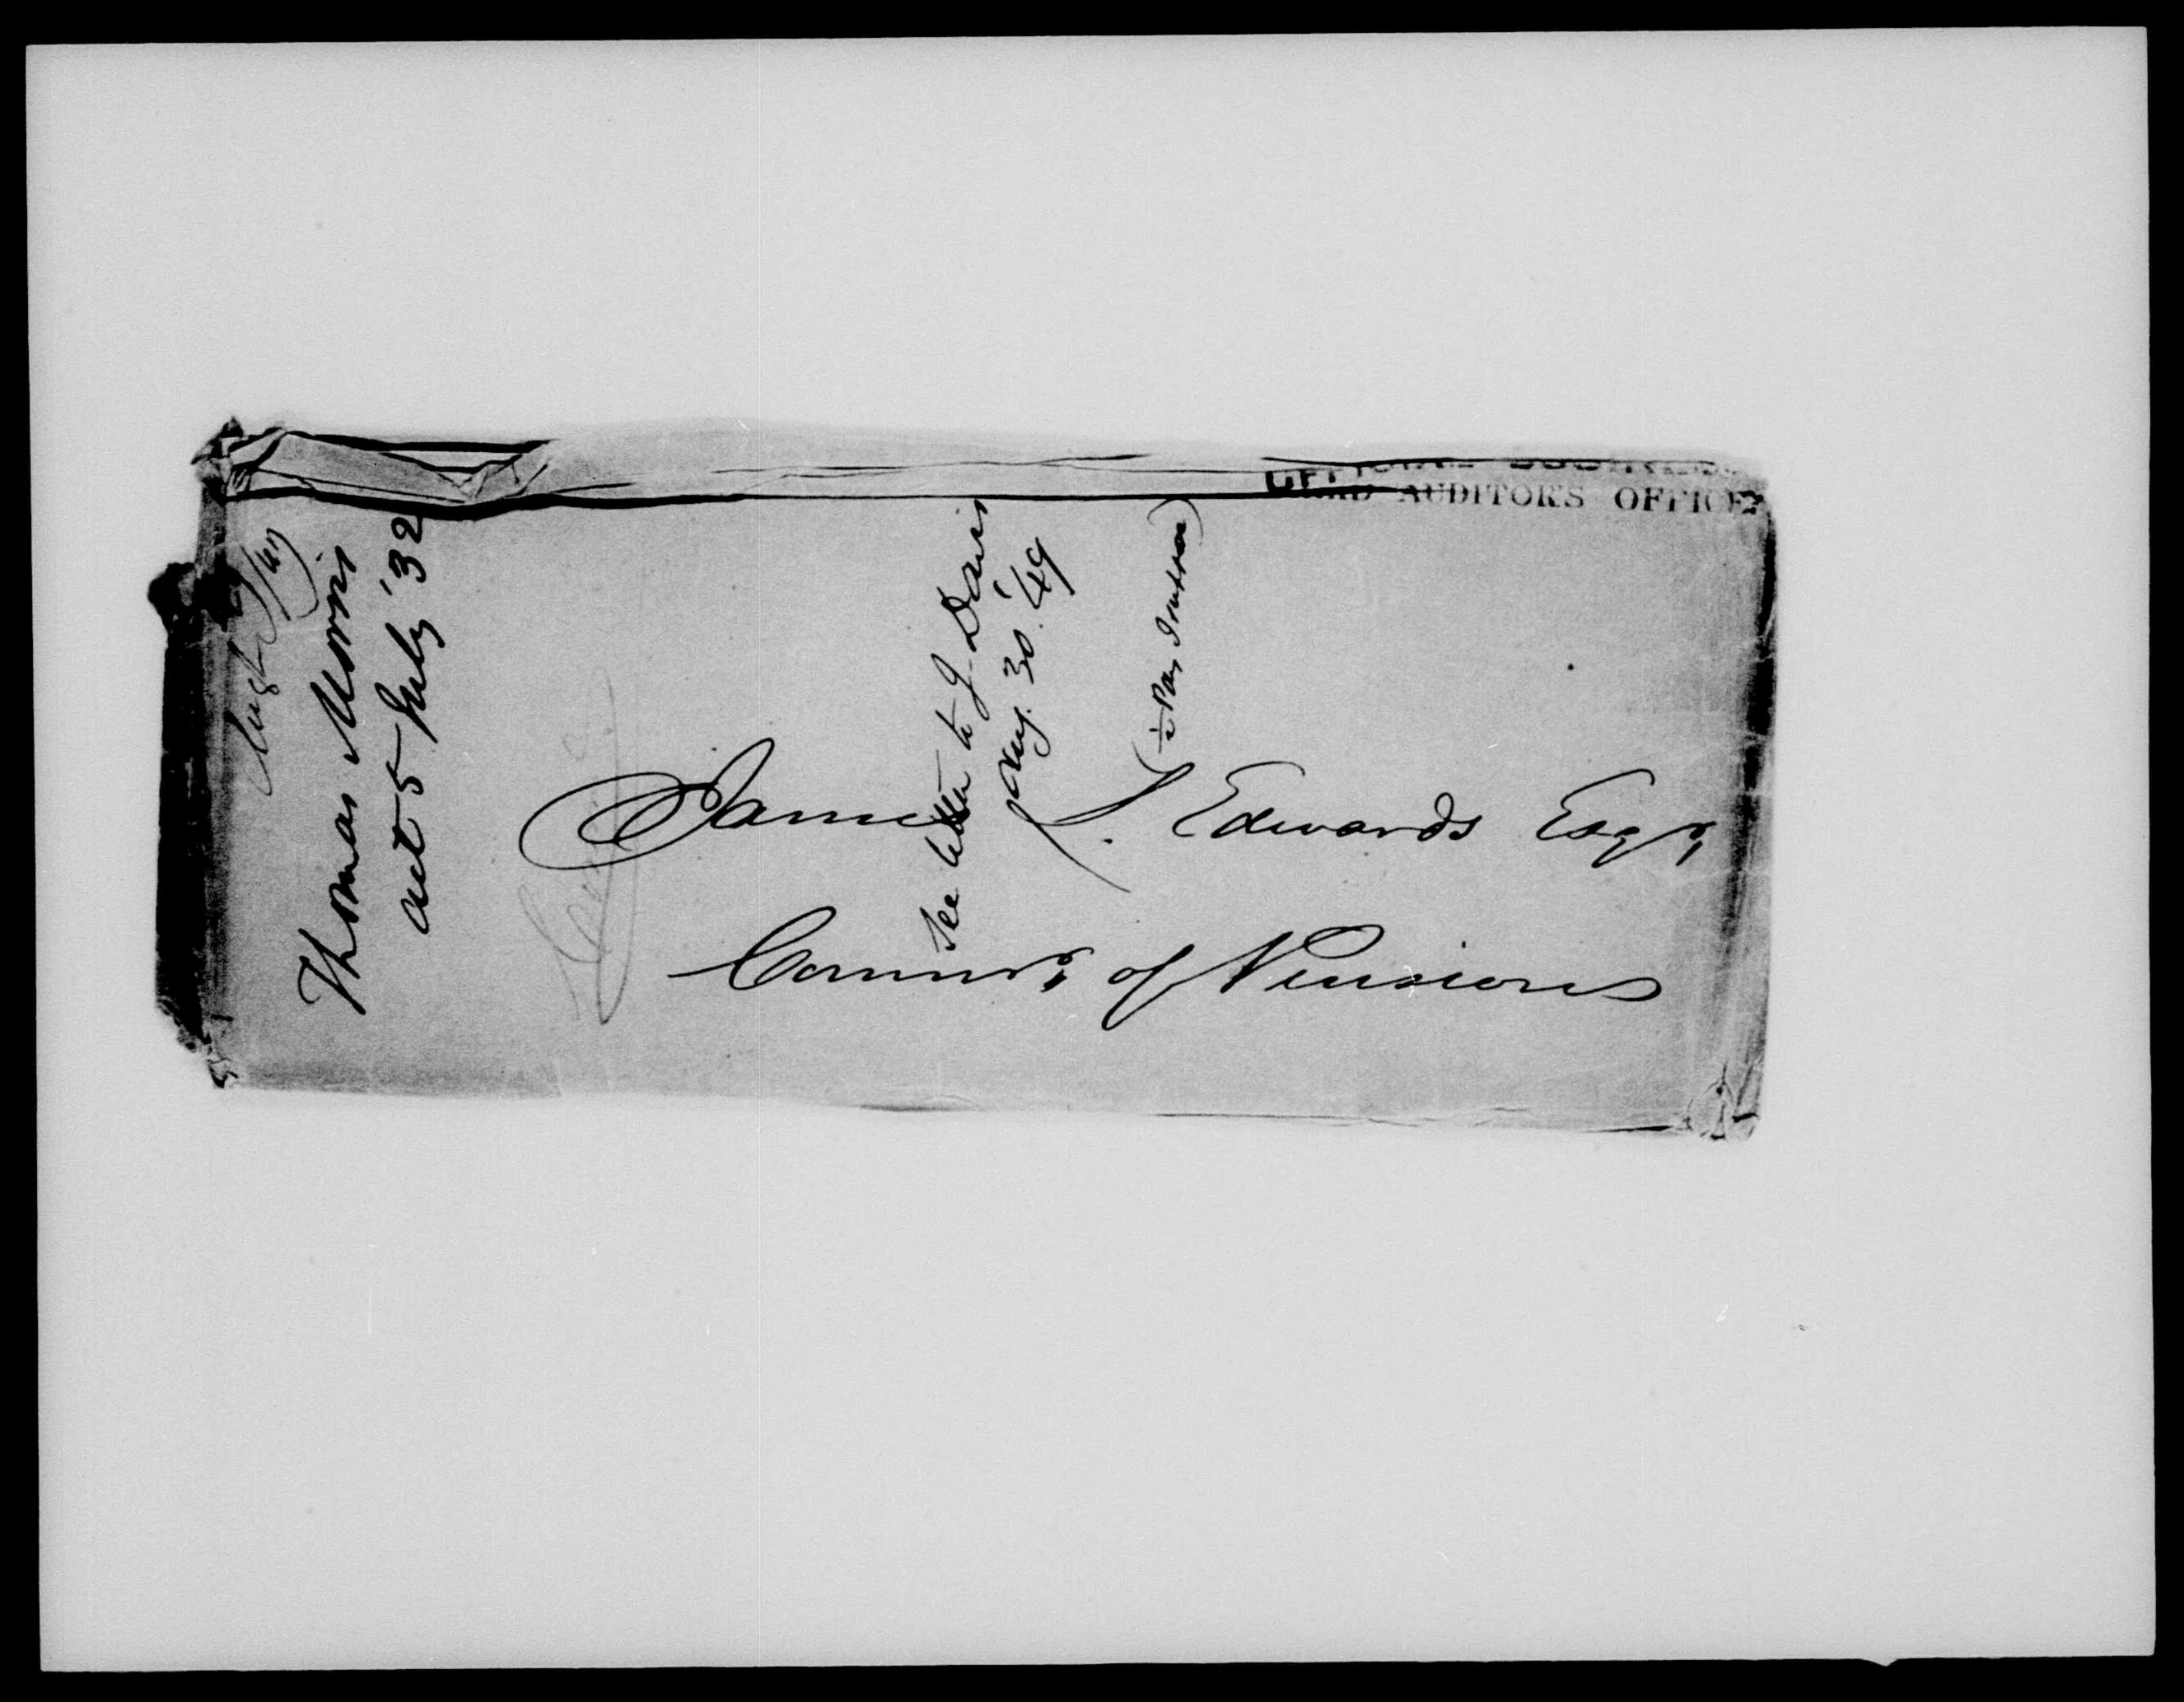AUDITORS OFFICE
James L. Edwards Esqr
Commr of Pensions
[*Thomas Morris act 5 July '32*]
See letter to J. Davis Aug. 30 '49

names: J Davis; Thomas Morris; James L Edwards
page: 28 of 30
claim: rejected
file: R. 16,555, for Thomas Morris, Georgia